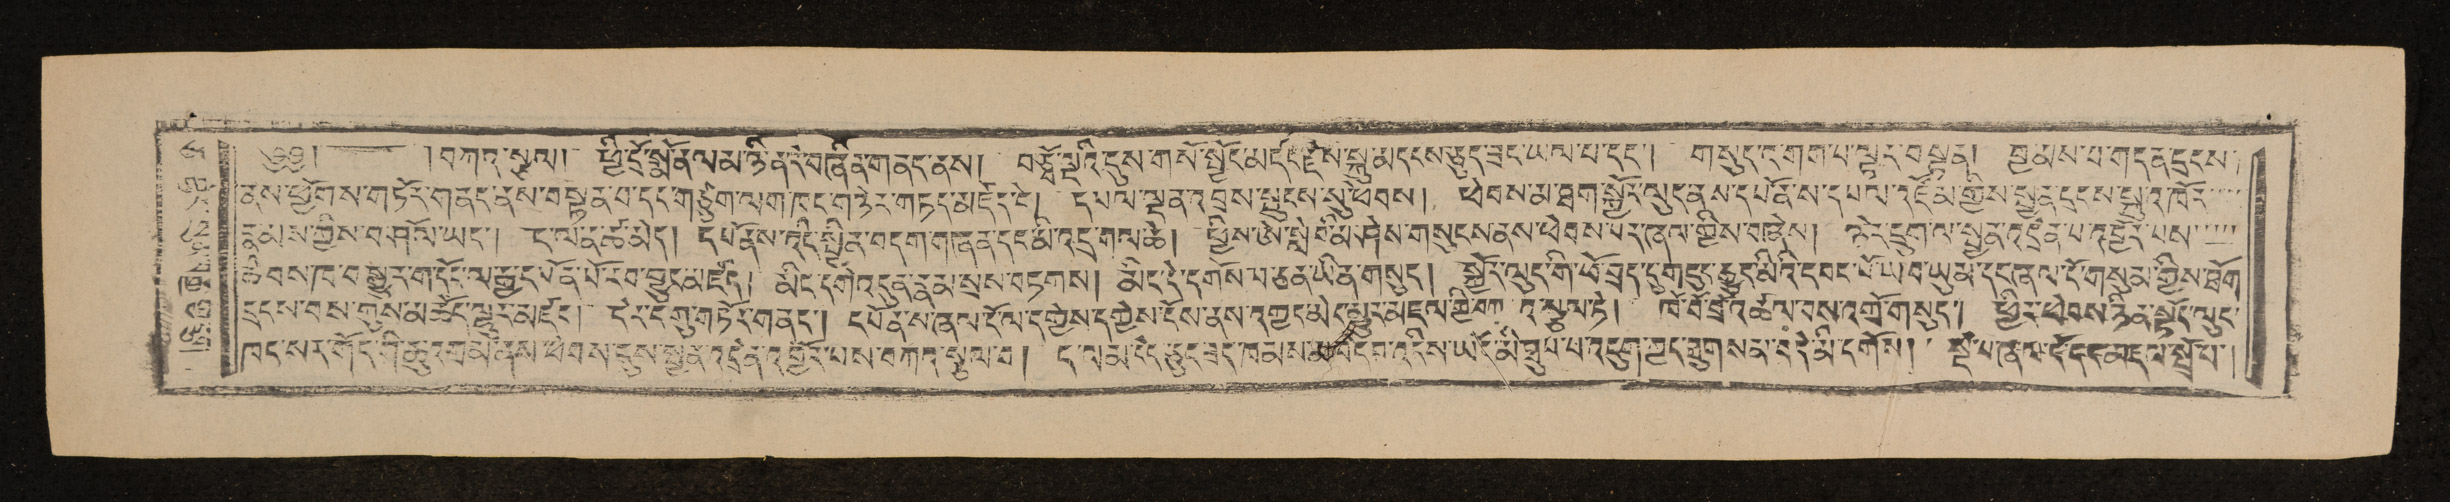༄༅། །བཀའ་སྩལ། ཕྱི་དྲོ་སྨོན་ལམ་ཉིན་རེ་བཞིན་གནང་ནས། བཅྭོ་ལྔའི་དུས་གསོ་སྦྱོང་མཛད་རྗེས་སྐུ་མདངས་ཅུང་ཟད་ཡལ་པ་དང་། གསུང་འགག་པ་ལྟར་བསྟན། བྱམས་པ་གདན་དྲངས་
ནས་ཕྱོགས་གཏོར་གནང་ནས་བསྟན་པ་དང་གཙུག་ལག་ཁང་གཉེར་གཏད་མཛད་དེ། དཔལ་ལྡན་འབྲས་སྤུངས་སུ་ཕེབས། ཕེབས་མ་ཐག་སྐྱོར་ལུང་ནས་དཔོན་ས་དཔལ་འཛོམ་གྱིས་སྤྱན་དྲངས་སྐུ་འཁོར་
རྣམས་ཀྱིས་བཤོལ་ཡང་། ང་ལ་ན་ཚ་མེད། དཔོན་ས་འདི་སྦྱིན་བདག་གཞན་དང་མི་འདྲ་གལ་ཆེ། ཕྱིས་ཨེ་སླེབ་མི་ཤེས་གསུངས་ནས་ཕེབས་པར་ཞལ་གྱིས་བཞེས། ཉེར་དྲུག་ལ་སྤྱན་འདྲེན་པ་འབྱོར་པས་
ཆིབས་ཁ་བསྒྱུར་གདོང་ལ་རྒྱ་དཔོན་པོ་རབ་བྱུང་མཛད། མིང་དགེ་འདུན་རྣམས་སྲས་བཏགས། མིང་དེ་དགོས་པ་ཅན་ཡིན་གསུང་། སྐྱོར་ལུང་གི་ཕོ་བྲང་དུ་གདུང་རྒྱུད་མིའི་དབང་པོ་ཡབ་ཡུམ་དང་ཞལ་ངོ་གསུམ་གྱིས་ཐོག་
དྲངས་བས་གུས་མཆོད་ལྷུར་མཛད། དེར་དགུ་གཏོར་གནང་། དཔོན་ས་ཞལ་ངོ་ལ་དགྱེས་དགྱེས་ངོས་ནས་འགྱང་མེད་མྱུར་མཇལ་གྱི་བཀའ་སྩལ་ཏེ། ཁོ་བོ་བྲོ་འཚལ་བས་འགྲོ་གསུང་། ཕྱིར་ཕེབས་ཉིན་སྟོད་ལུང་
ཁང་སར་གོང་གི་ཆུ་འགྲམ་ནས་ཕེབས་དུས་སྤྱན་འདྲེན་འབྱོར་པས་བཀའ་སྩལ་པ། ད་ལམ་ངེད་ཅུང་ཟད་ཁམས་མ་བདེ་བ་འདིས་ཡོང་མི་ཐུབ་པ་འདུག་ཀྱང་ཐུགས་མ་བདེ་མི་དགོས། སྡེ་པ་ཞལ་ངོ་དང་མཇལ་སྤྲོ་བ་